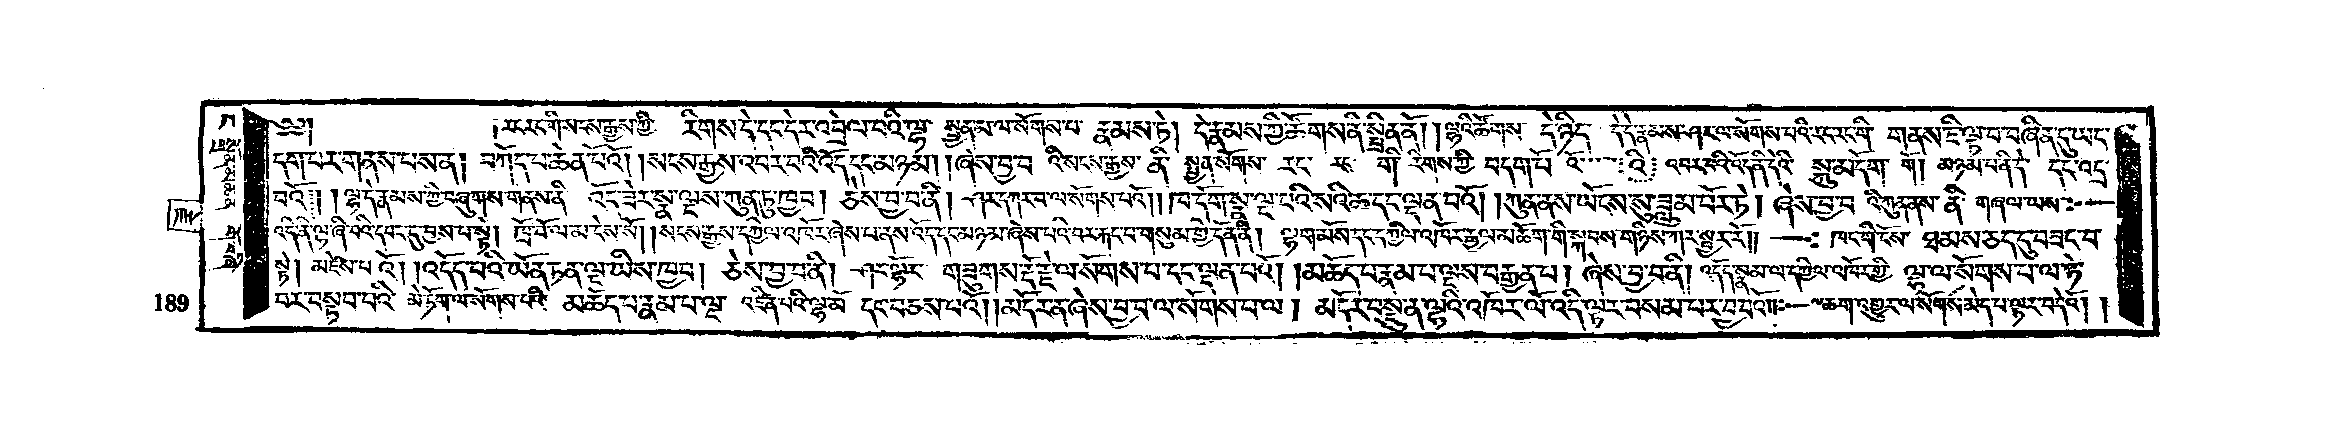༄༅། ། རང་རང་གི་སངས་རྒྱས་ཀྱི་རིགས་དེ་དང་དེར་འབྲེལ་བའི་ལྷ་སྤྱན་མ་ལ་སོགས་པ་རྣམས་ཏེ། དེ་རྣམས་ཀྱི་ཚོགས་ནི་སྤྲིན་ནོ། ། ལྷའི་ཚོགས་དེ་ཉིད་དེ་དེ་རྣམས་ཤར་ལ་སོགས་པའི་རང་རང་གི་གནས་ཇི་ལྟ་བ་བཞིན་དུ་ཡང་
དག་པར་གནས་པས་ན། བཀོད་པ་ཆེན་པོའོ། །སངས་རྒྱས་འབར་བའི་འོད་དང་མཉམ། །ཞེས་བྱ་བའི་སངས་རྒྱས་ནི་སྤྱན་སོགས་་རང་རང་གི་རིགས་ཀྱི་བདག་པོའོ་འི་འབར་བའི་འོད་ནི་དེའི་སྐུ་མདོག་གོ། མཉམ་པ་ནི་དེ་དང་འདྲ་
བའོ། ། ལྷ་དེ་རྣམས་ཀྱི་བཞུགས་གནས་ནི་འོད་ཟེར་སྣ་ལྔས་ཀུན་ཏུ་ཁྱབ། ཅེས་བྱ་བ་ནི། ཤར་དཀར་བ་ལ་སོགས་པའོ།  །ཁ་དོག་སྣ་ལྔ་པའི་སའི་ཆ་དང་ལྡན་པའོ། །ཀུན་ནས་ཡོངས་སུ་ཟླུམ་པོར་ཏེ། ཞེས་བྱ་བའི་ཀུན་ནས་ནི་གཞལ་ཡས་
འདི་ནི་ལྷ་ཞི་བའི་དབང་དུ་བྱས་པ་སྟེ། ཁྲོ་བོ་ལ་མ་ངེས་སོ། །སངས་རྒྱས་དཀྱིལ་འཁོར་ཞེས་པ་ནས་འོད་དང་མཉམ་ཞེས་པའི་བར་རྐང་པ་གསུམ་གྱི་དོན་ནི། ལྷག་མོས་དང་དཀྱིལ་འཁོར་རྒྱལ་མཆོག་གི་སྐབས་གཉིས་ཀར་སྦྱར་རོ།། ཁང་གི་ངོས་ཐམས་ཅད་དུ་བཟང་བ་
སྟེ། མཛེས་པའོ། །  འདོད་པའི་ཡོན་ཏན་ལྔ་ཡིས་ཁྱབ། ཅེས་བྱ་བ་ནི། ཤར་ལྷོར་གཟུགས་རྡོ་རྗེ་ལ་སོགས་པ་དང་ལྡན་པའོ། །མཆོད་པ་རྣམ་པ་ལྔས་བརྒྱན་པ། ཞེས་བྱ་བ་ནི། འདོད་སྣམ་ལ་དཀྱིལ་འཁོར་གྱི་ལྷ་ལ་སོགས་པ་ལ་ཉེ་
བར་བསྟབ་པའི་མེ་ཏོག་ལ་སོགས་པའི་མཆོད་པ་རྣམ་པ་ལྔ་འཛིན་པའི་ལྷ་མོ་དང་བཅས་པའོ། །མདོར་ན་ཞེས་བྱ་བ་ལ་སོགས་པ་ལ། མདོར་བསྡུ་ན་ལྷའི་འཁོར་ལོ་འདི་ལྟར་བསམ་པར་བྱ་བའོ།། ༈ ཆག་འགྱུར་ལ་སོགས་མེད་པ་ལྟར་བདེའོ། །